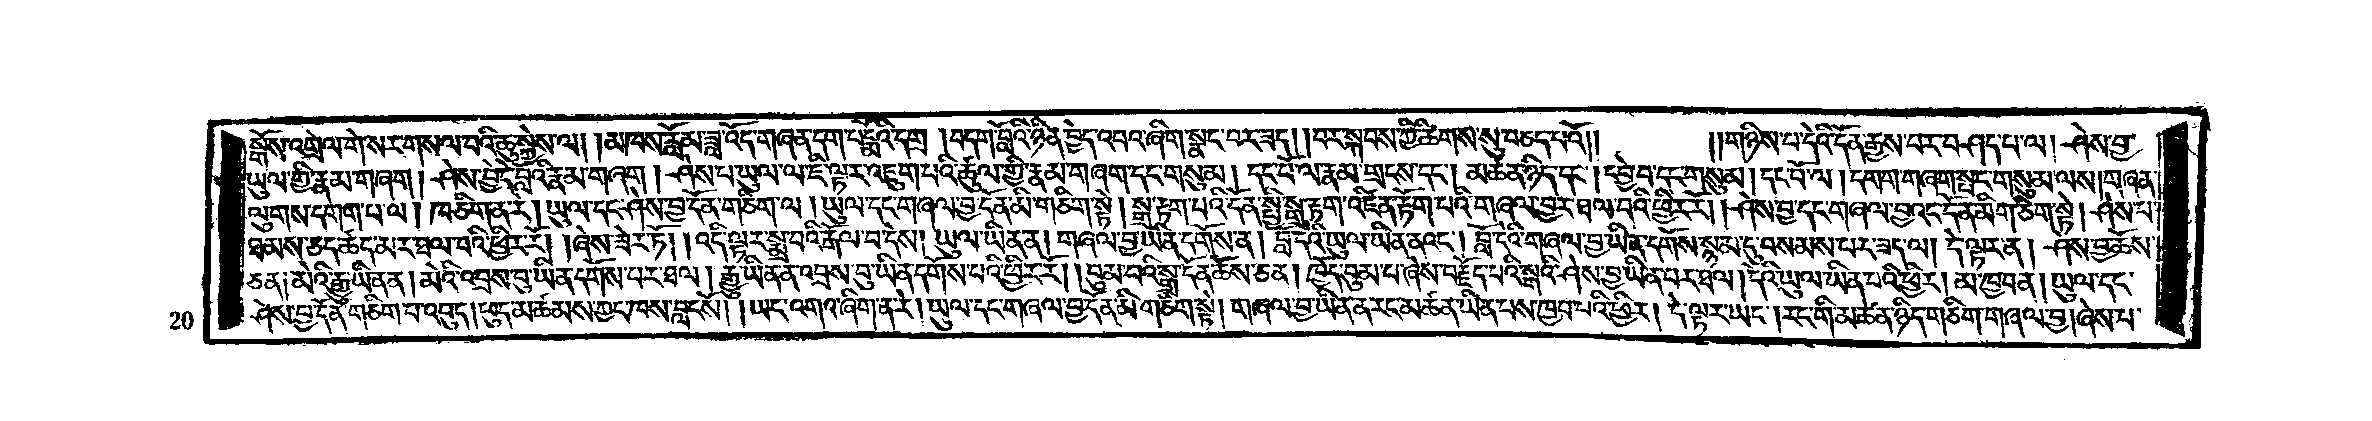སྒོས་འགྲེལ་གེ་སར་གསལ་བའི་ཆུ་སྐྱེས་ལ། །མཁས་རློམ་ཟླ་འོད་གཞན་དག་པདམོའི་དགྲ་།བདག་བློའི་ཉིན་བྱེད་འབའ་ཞིག་སྣང་བར་ཟད། །བར་སྐབས་ཀྱི་ཚིགས་སུ་བཅད་པའོ།། །།གཉིས་པ་དེའི་དོན་རྒྱས་པར་བཤད་པ་ལ། ཤེས་བྱ་
ཡུལ་གྱི་རྣམ་གཞག །ཤེས་བྱེད་བློའི་རྣམ་གཞག། ཤེས་པ་ཡུལ་ལ་ཇི་ལྟར་འཇུག་པའི་ཚུལ་གྱི་རྣམ་གཞག་དང་གསུམ། དང་པོ་ལ་རྣམ་གྲངས་དང་།མཚན་ཉིད་དང་།དབྱེ་བ་དང་གསུམ། དང་པོ་ལ། དགག་གཞག་སྤང་གསུམ་ལས། གཞན་
ལུགས་དགག་པ་ལ། ཁ་ཅིག་ན་རེ། ཡུལ་དང་ཤེས་བྱ་དོན་གཅིག་ལ་།ཡུལ་དང་གཞལ་བྱ་དོན་མི་གཅིག་སྟེ། སྒྲ་རྟག་པའི་དོན་སྤྱི་སྒྲ་རྟག་འཛིན་རྟོག་པའི་གཞལ་བྱར་ཐལ་བའི་ཕྱིར་རོ། །ཤེས་བྱ་དང་གཞལ་བྱའང་དོན་མི་གཅིག་སྟེ། ཤེས་པ་
ཐམས་ཅད་ཚད་མར་ཐལ་བའི་ཕྱིར་རོ། །ཞེས་ཟེར་ཏོ། །འདི་ལྟར་སྨྲ་བའི་རྒོལ་བ་དེས། ཡུལ་ཡིན་ན། གཞལ་བྱ་ཡིན་དགོས་ན། བློ་དེའི་ཡུལ་ཡིན་ནའང་།བློ་དེའི་གཞལ་བྱ་ཡིན་དགོས་སྙམ་དུ་བསམས་པར་ཟད་ལ། དེ་ལྟར་ན། ཤེས་བྱ་ཆོས་
ཅན༑ མེའི་རྒྱུ་ཡིན་ན། མེའི་འབྲས་བུ་ཡིན་དགོས་པར་ཐལ། རྒྱུ་ཡིན་ན་འབྲས་བུ་ཡིན་དགོས་པའི་ཕྱིར་རོ། །བུམ་པའི་སྒྲ་དོན་ཆོས་ཅན། ཁྱོད་བུམ་པ་ཞེས་བརྗོད་པའི་སྒྲའི་ཤེས་བྱ་ཡིན་པར་ཐལ། དེའི་ཡུལ་ཡིན་པའི་ཕྱིར། མ་ཁྱབ་ན། ཡུལ་དང་
ཤེས་བྱ་དོན་གཅིག་པ་འབུད། ཕུད་མཚམས་ཀྱང་ཁས་བླངས་སོ། །ཡང་འགའ་ཞིག་ན་རེ། ཡུལ་དང་གཞལ་བྱ་དོན་མི་གཅིག་སྟེ། གཞལ་བྱ་ཡིན་ན་རང་མཚན་ཡིན་པས་ཁྱབ་པའི་ཕྱིར། དེ་ལྟར་ཡང་། རང་གི་མཚན་ཉིད་གཅིག་གཞལ་བྱ། ཞེས་པ་